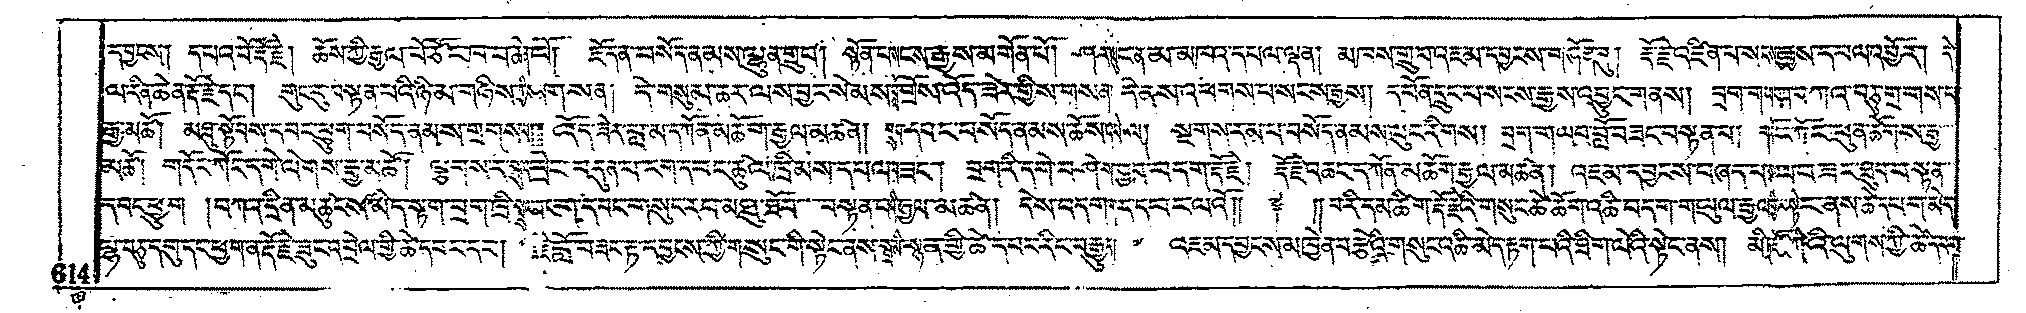དབྱངས། དཔའ་བོ་རྡོ་རྗེ། ཆོས་ཀྱི་རྒྱལ་པོ་ཙོང་ཁ་པ་ཆེན་པོ། ཇོ་དན་བསོད་ནམས་ལྷུན་གྲུབ། སྟོན་པ་སངས་རྒྱས་མགོན་པོ། ཤར་ལུང་ནམ་མཁའ་དཔལ་ལྡན། མཁས་གྲུབ་འཇམ་དབྱངས་གཞོན་ནུ། རྡོ་རྗེ་འཛིན་པ་སངས་རྒྱས་དཔལ་འབྱོར། དེ་
ལ་རིན་ཆེན་རྡོ་རྗེ་དང་། གུང་རུ་བསྟན་པའི་ཉི་མ་གཉིས་ཀྱིས་གསན། དེ་གསུམ་ཆར་ལས་བྱང་སེམས་བློ་གྲོས་འོད་ཟེར་གྱིས་གསན། དེ་ནས་འཕགས་པ་སངས་རྒྱས། དཔོན་དྲུང་པ་སངས་རྒྱས་འབྱུང་གནས། བྲག་གཡབ་བཀའ་བཅུ་གྲགས་པ་
རྒྱ་མཚོ། མཐུ་སྟོབས་དབང་ཕྱུག་བསོད་ནམས་གྲགས་པ། འོད་ཟེར་བླ་མ་དཀོན་མཆོག་རྒྱལ་མཚན། གྲུབ་དབང་བསོད་ནམས་ཆོས་འཕེལ། སྔགས་རམ་པ་བསོད་ནམས་ལུང་རིགས། བྲག་གཡབ་བློ་བཟང་བསྟན་པ། གདོང་ཀོང་ཕུན་ཚོགས་རྒྱ་
མཚོ། གདོང་ཀོང་དགེ་ལེགས་རྒྱ་མཚོ། ལྕགས་ར་སྐུ་འཕྲེང་བདུན་པ་ངག་དབང་ཚུལ་ཁྲིམས་དཔལ་བཟང་། བྲག་རི་དགེ་བཤེས་ཁྱབ་བདག་རྡོ་རྗེ། རྡོ་རྗེ་འཆང་དཀོན་མཆོག་རྒྱལ་མཚན། འཇམ་དབྱངས་བཞད་པ་སྐལ་བཟང་ཐུབ་བསྟན་
དབང་ཕྱུག། བཀའ་དྲིན་མཚུངས་མེད་སྟག་བྲག་ཁྲི་སྤྲུལ་ངག་དབང་གསུང་རབ་མཐུ་ཐོབ་བསྟན་པའི་རྒྱལ་མཚན། དེས་བདག་གར་དབང་ལའོ།། འ་།།བ་རི་དམ་ཚིག་རྡོ་རྗེའི་གསུང་ཚེ་ཆོག་འཆི་བདག་གཡུལ་རྒྱལ་གྱི་སྟེང་ནས་ཆེ་དཔག་མེད་
ལྷ་བཅུ་དགུ་དང་ཕྱག་ན་རྡོ་རྗེ་ཟུང་འབྲེལ་གྱི་ཆེ་དབང་དང་། ༧་རྗེ་བློ་བཟང་རྟ་དབྱངས་ཀྱི་གསུང་གི་སྟེང་ནས་སྒྲ་མི་སྙན་གྱི་ཚེ་དབང་རིང་བརྒྱུད། ༧་འཇམ་དབྱངས་མཁྱེན་བརྩེའི་གསུང་འཆི་མེད་རྟག་པའི་ཐིག་ལེའི་སྟེང་ནས། མི་ཏྲ་ཛོ་ཀིའི་ལུགས་ཀྱི་ཚེ་དཔག་